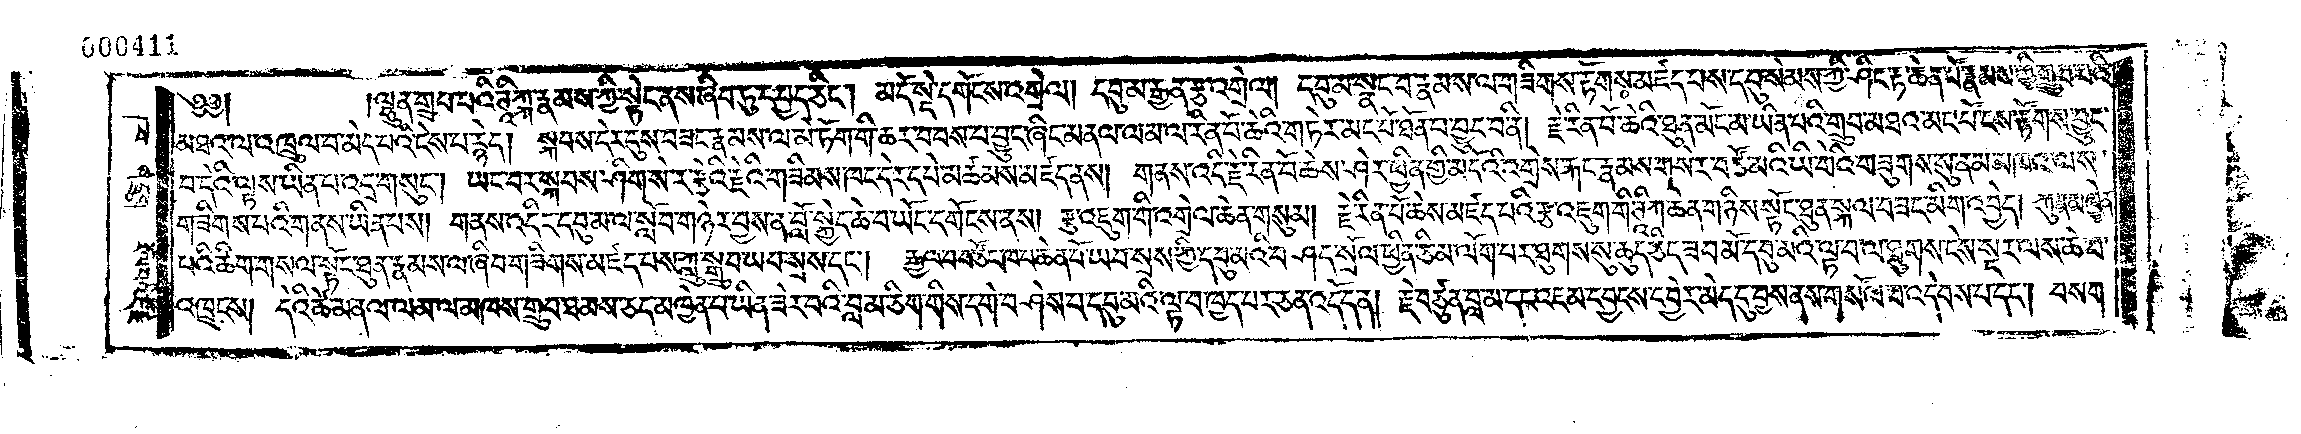༄༅། །ལྷུན་གྲུབ་པའི་ཊཱིཀྐ་རྣམས་ཀྱི་སྟེང་ནས་ཞིབ་ཏུ་དཔྱད་ཅིང་། མདོ་སྡེ་དགོངས་འགྲེལ། དབུ་མ་རྒྱན་རྩ་འགྲེལ། དབུ་མ་སྣང་བ་རྣམས་ལ་གཟིགས་རྟོགས་མཛད་པས་དབུ་སེམས་ཀྱི་ཤིང་རྟ་ཆེན་པོ་རྣམས་ཀྱི་གྲུབ་པའི་
མཐའ་ལ་འཁྲུལ་བ་མེད་པའི་ངེས་པ་རྙེད། སྐབས་དེར་དུས་བཟང་རྣམས་ལ་མེ་ཏོག་གི་ཆར་བབས་པ་བྱུང་ཞིང་མནལ་ལམ་ལ་རིན་པོ་ཆེའི་གཏེར་མང་པོ་ཐོན་པ་བྱུང་བ་ནི། རྗེ་རིན་པོ་ཆེའི་ཐུན་མོང་མ་ཡིན་པའི་གྲུབ་མཐའ་མང་པོ་ངས་རྟོགས་བྱུང་
བ་དེའི་ལྟས་ཡིན་པ་འདྲ་གསུང་། ཡང་བར་སྐབས་ཤིག་སེ་ར་རྩེའི་རྗེའི་གཟིམས་ཁང་དེར་དཔེ་མཚམས་མཛད་ནས། གནས་འདི་རྗེ་རིན་པོ་ཆེས་ཤེར་ཕྱིན་གྱི་མདོའི་འགྲེས་རྐང་རྣམས་གསེར་བཙོ་མའི་ཡི་གེའི་གཟུགས་སུ་ནམ་མཁའ་ལས་
གཟིགས་པའི་གནས་ཡིན་པས། གནས་འདིར་དབུ་མ་ལ་སློབ་གཉེར་བྱས་ན་བློ་སྐྱེད་ཆེ་བ་ཡོང་དགོངས་ནས། རྩ་འཇུག་གི་འགྲེལ་ཆེན་གསུམ། རྗེ་རིན་པོ་ཆེས་མཛད་པའི་རྩ་འཇུག་གི་ཊཱིཀ་ཆེན་གཉིས་སྟོང་ཐུན་སྐལ་བཟང་མིག་འབྱེད། ཀུན་མཁྱེན་
པའི་ཚིག་གསལ་སྟོང་ཐུན་རྣམས་ལ་ཞིབ་གཟིགས་མཛད་པས་ཀླུ་སྒྲུབ་ཡབ་སྲས་དང་། རྒྱལ་བ་བཙོང་ཁ་པ་ཆེན་པོ་ཡབ་སྲས་ཀྱི་དབུ་མའི་བཤད་སྲོལ་ཕྱིན་ཅི་མ་ལོག་པར་ཐུགས་སུ་ཆུད་ཅིང་ཟབ་མོ་དབུ་མའི་ལྟ་བ་ལ་ཐུགས་ངེས་སྔར་ལས་ཆེ་བ་
འཁྲུངས། དེའི་ཚེ་མནལ་ལམ་ལ་མཁས་གྲུབ་ཐམས་ཅད་མཁྱེན་པ་ཡིན་ཟེར་བའི་བླ་མ་ཅིག་གིས་དགེ་བཤེས་བ་དབུ་མའི་ལྟ་བ་ཁྱད་པར་ཅན་འདོད་ན། རྗེ་བཙུན་བླ་མ་དང་འཇམ་དབྱངས་དབྱེར་མེད་དུ་བྱས་ནས་གསོལ་བ་འདེབས་པ་དང་། བསག་